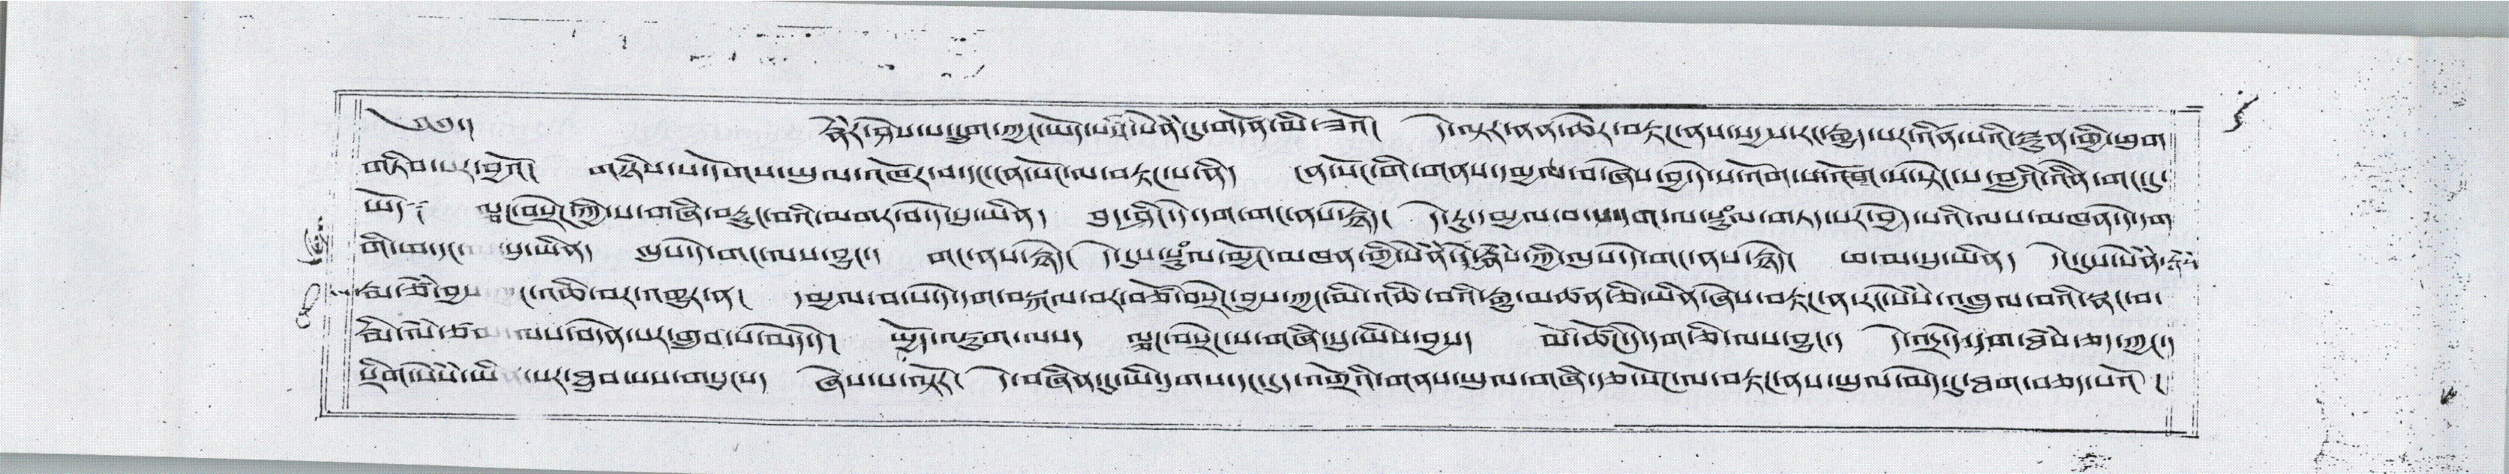རྣམ་པར་ཤེས་པ་དྲུག་ཀྱང་ཡོད་པའི་སེམས་ཅན་དུ་གདོན་མི་ཟའོ། དེ་ལྟར་ནན་ཆེར་བརྟགས་ནས་སངས་རྒྱས་རང་རྒྱུད་པར་འཛིན་པའི་རྫུན་གྱི་ཕུག་
གཏིབ་པར་བྱའོ། གཉིས་པ་དྭོགས་ཡུལ་འཁོར་བ་དང་ངན་སོང་ལ་བརྟག་པ་ནི། ངན་སོང་གི་གནས་དམྱལ་བ་ཞེས་བྱ་དེ་ས་འོག་ས་སྟེང་ས་བླའི་འཇིག་རྟེན་གང་དུ་
ཡོད། ལྕགས་བསྲེགས་ཀྱི་ས་གཞི་བརྡུང་བའི་མགར་བ་དེ་སུ་ཡིན། བུད་ཤིང་དེ་དག་གང་ནས་རྙེད། དེ་རུ་དམྱལ་བ་པ་དག་ལ་སྡུག་བསྔལ་གཏད་པར་བྱེད་པའི་ལས་མཁན་དེ་དག་
གི་ཕ་དང་མ་སུ་ཡིན། ལུས་དེ་གང་ལས་བྱུང་། གང་ནས་རྙེད། དེ་དུས་སྡུག་བསྔལ་མྱོང་མཁན་གྱི་སེམས་ཅན་དེ་རྣམས་ཀྱི་ལུས་དེ་གང་ནས་རྙེད། ཕ་མ་སུ་ཡིན། དེང་དུས་སེམས་ཅན་རྣམས་ལ་
རྨ་ཙམ་བྱས་ཀྱང་འཆི་བར་འགྱུར་ན། དམྱལ་བ་པ་དེ་དག་བསྐལ་པར་བཙོ་སྲེག་བྱས་ཀྱང་མི་འཆི་བའི་རྒྱུ་མཚན་ཅི་ཡིན་ཞེས་བརྟགས་ན་རང་སེམས་འཁྲུལ་པའི་སྣང་བ་
རྨི་ལམ་ཙམ་ལས་བདེན་པར་གྲུབ་པ་མེད་དེ། སྤྱོད་འཇུག་ལས། ལྕགས་སྲེག་ས་གཞི་སུ་ཡིས་བྱས། མོ་ཚོགས་དེ་དག་ཅི་ལས་བྱུང་། དེ་འདྲ་དེ་དག་ཐམས་ཅད་ཀྱང་། 
སྡིག་སེམས་ཡིན་པར་ཐུབ་པས་གསུངས། ཞེས་པ་ལྟར་རོ། དེ་བཞིན་དུ་ཡི་དྭགས་དང་དུད་འགྲོའི་གནས་ཡུལ་གཞི་རྩ་སོགས་ལ་བརྟགས་ནས་ཡུལ་མེད་དུ་ཐག་བཅད་པའོ།